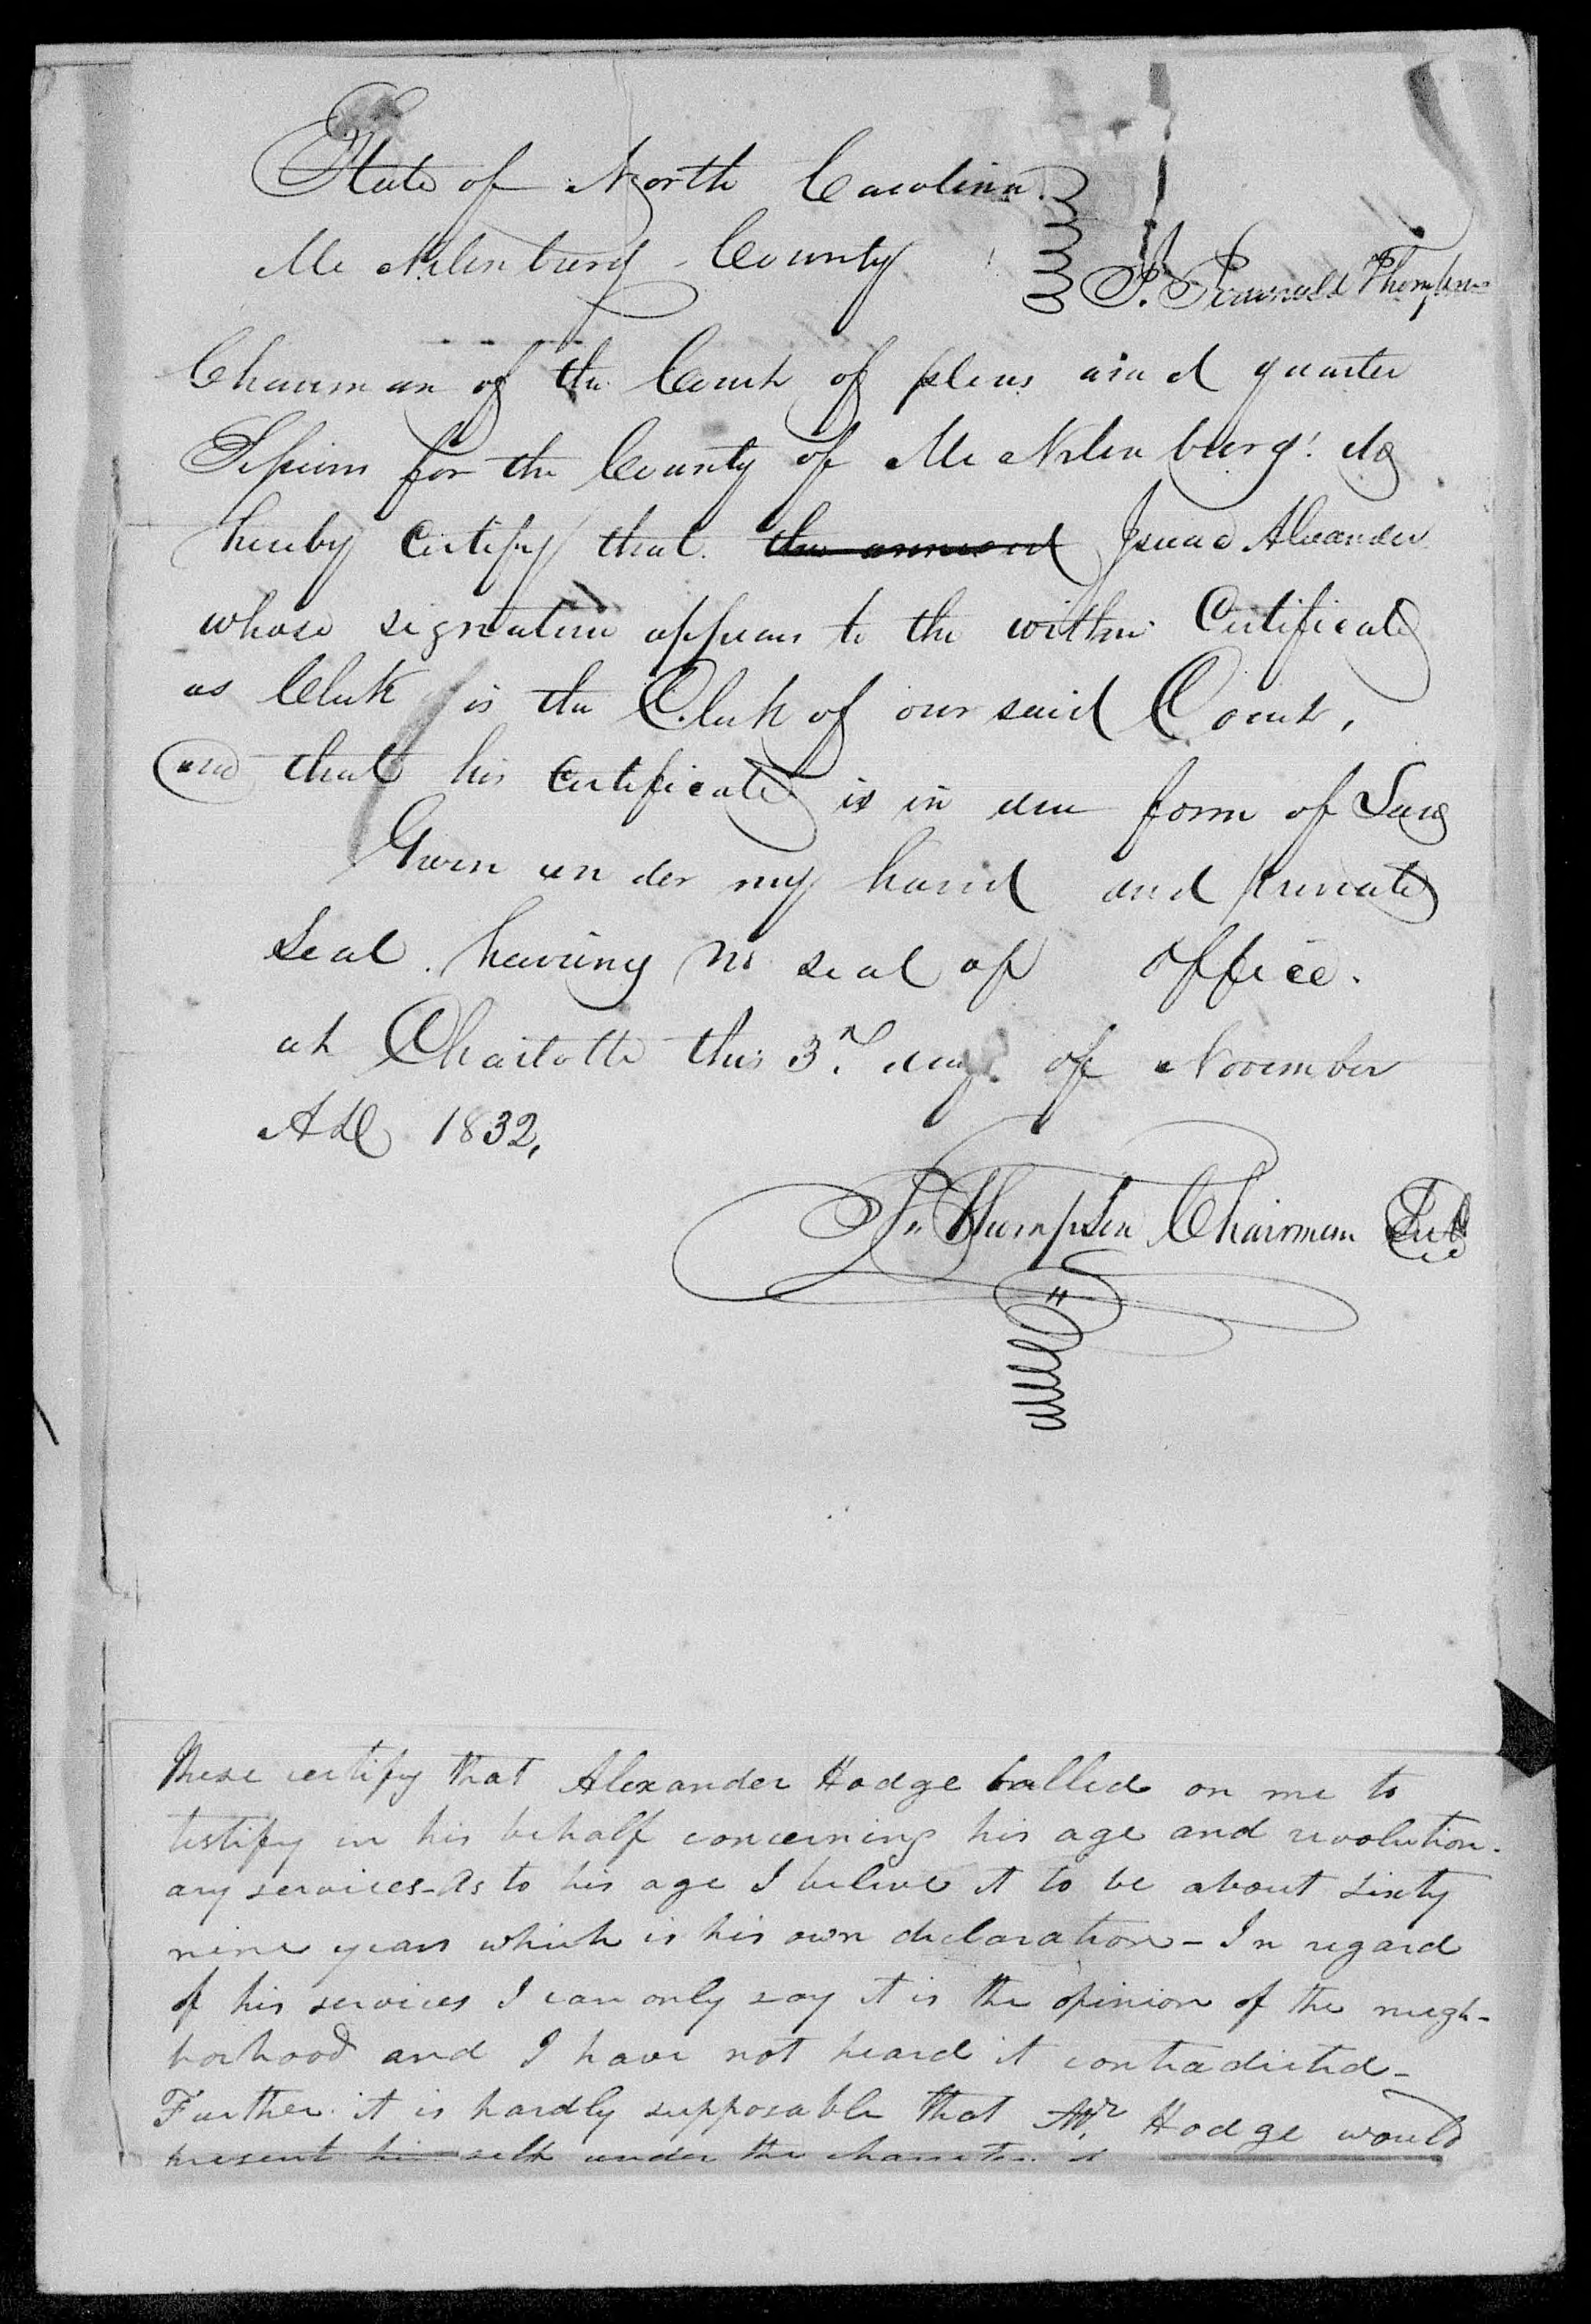State of North Carolina}
Mechlenburg County}

I Peasnell Thompson Chairman of the Court of pleas and quarter session for the County of Mechlenburg, do hereby certify that Isaac Alexander whose signature appears to the within certificate as Clerk is the Clerk of our said Court that his certificate is in due form of [illegible]

Given under my hand and private Seal having no seal of office at Charlotte this 3rd day of November AD 1832.

P Thompson Chairman (Seal)

These certify that Alexander Hodge called on me to testify in his behalf concerning his age and revolutionary services. As to his age I belive (sic) it to be about sixty nine years which in his own declaration – In regard of his services I can only say it is the opinion of the neighborhood and I have not heard it contradicted – Further it is hardly supposable that Mr. Hodge would present his self under the character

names: Hodge, P Thompson, Peasnall Thompson, Alexander Hodge, Isaac Alexander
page: 10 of 14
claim: survivor's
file: S. 8737, Alexander Hodge, N.C.